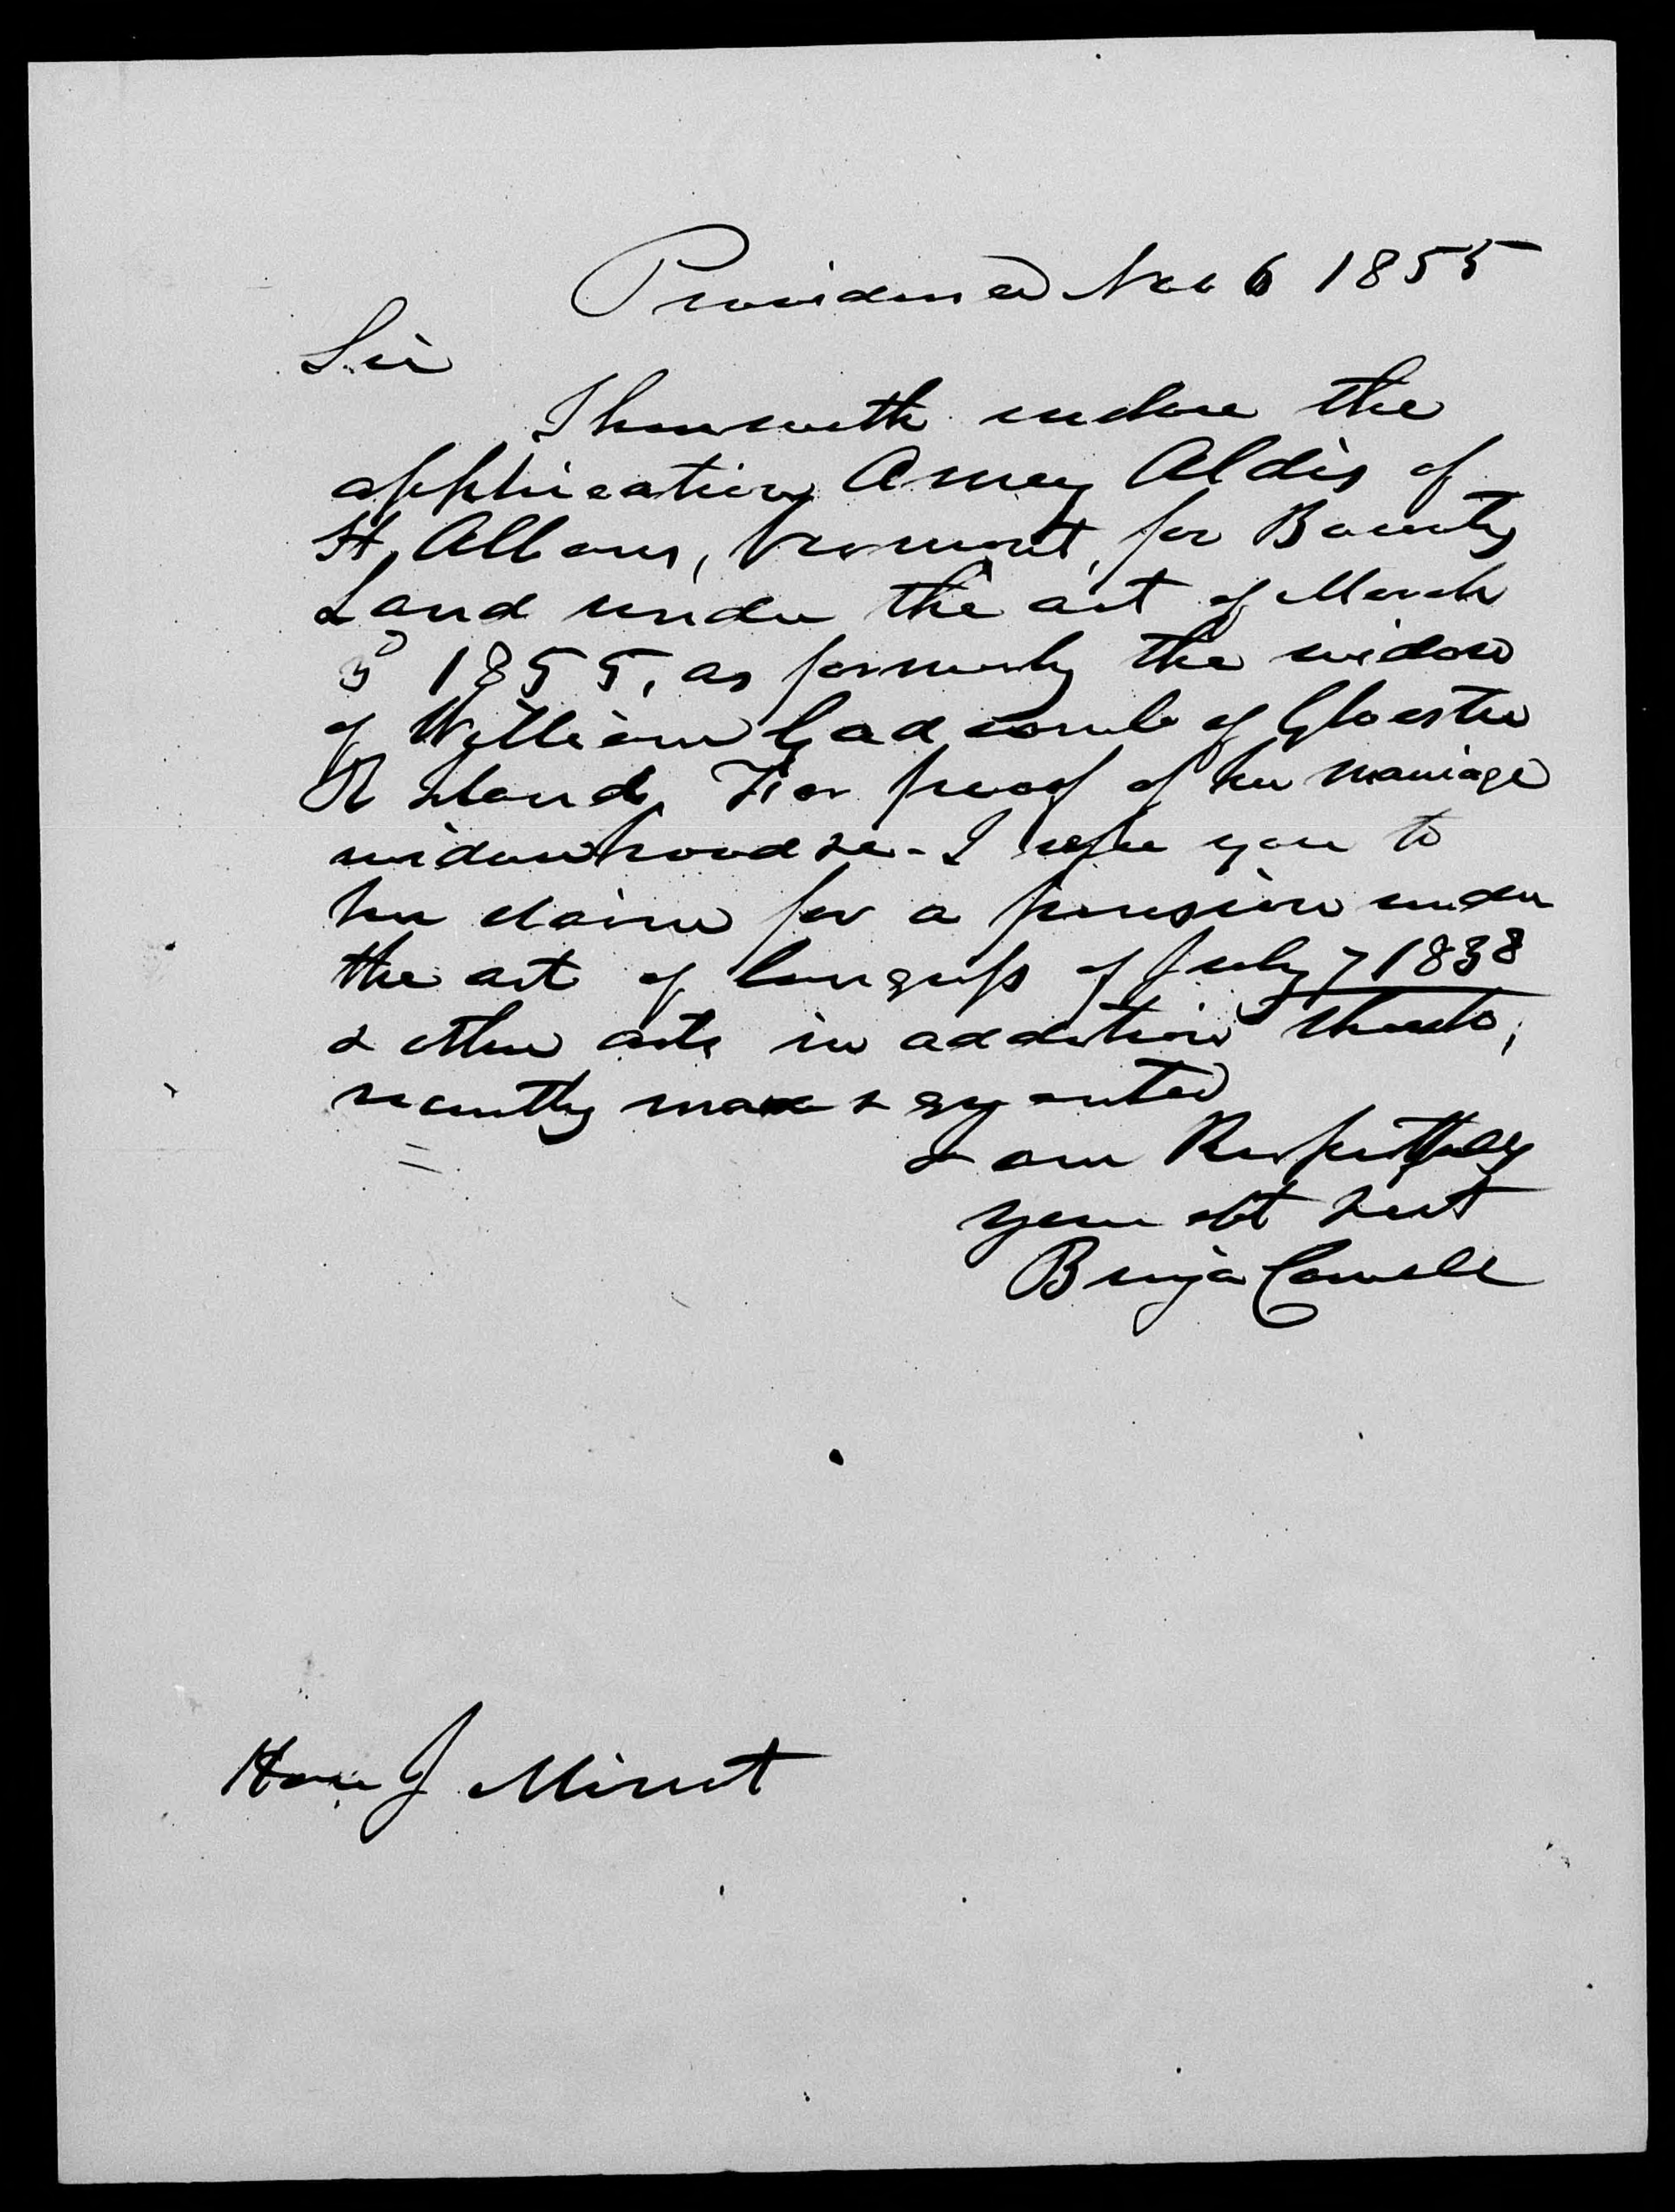Providence Nov 6, 1855
Sir
I herewith enclose the application Amey Aldis of St. Albans, Vermont, for Bounty Land under the Act of March 3d, 1855, as formerly the widow of William Gadcomb of Glocester R Island and/or proof of her marriage widowhood sc. I refer you to her claim for a pension under the Act of Congress of July 7, 1838, and other Acts in addition thereto, recently made and granted.
I am Respectfully 
your obt servt
Benja Cowell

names: William Gadcomb, Benja Cowell, J Minot, Amey Aldis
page: 57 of 76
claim: widow's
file: W. 15,517, William Gadcomb, R.I.